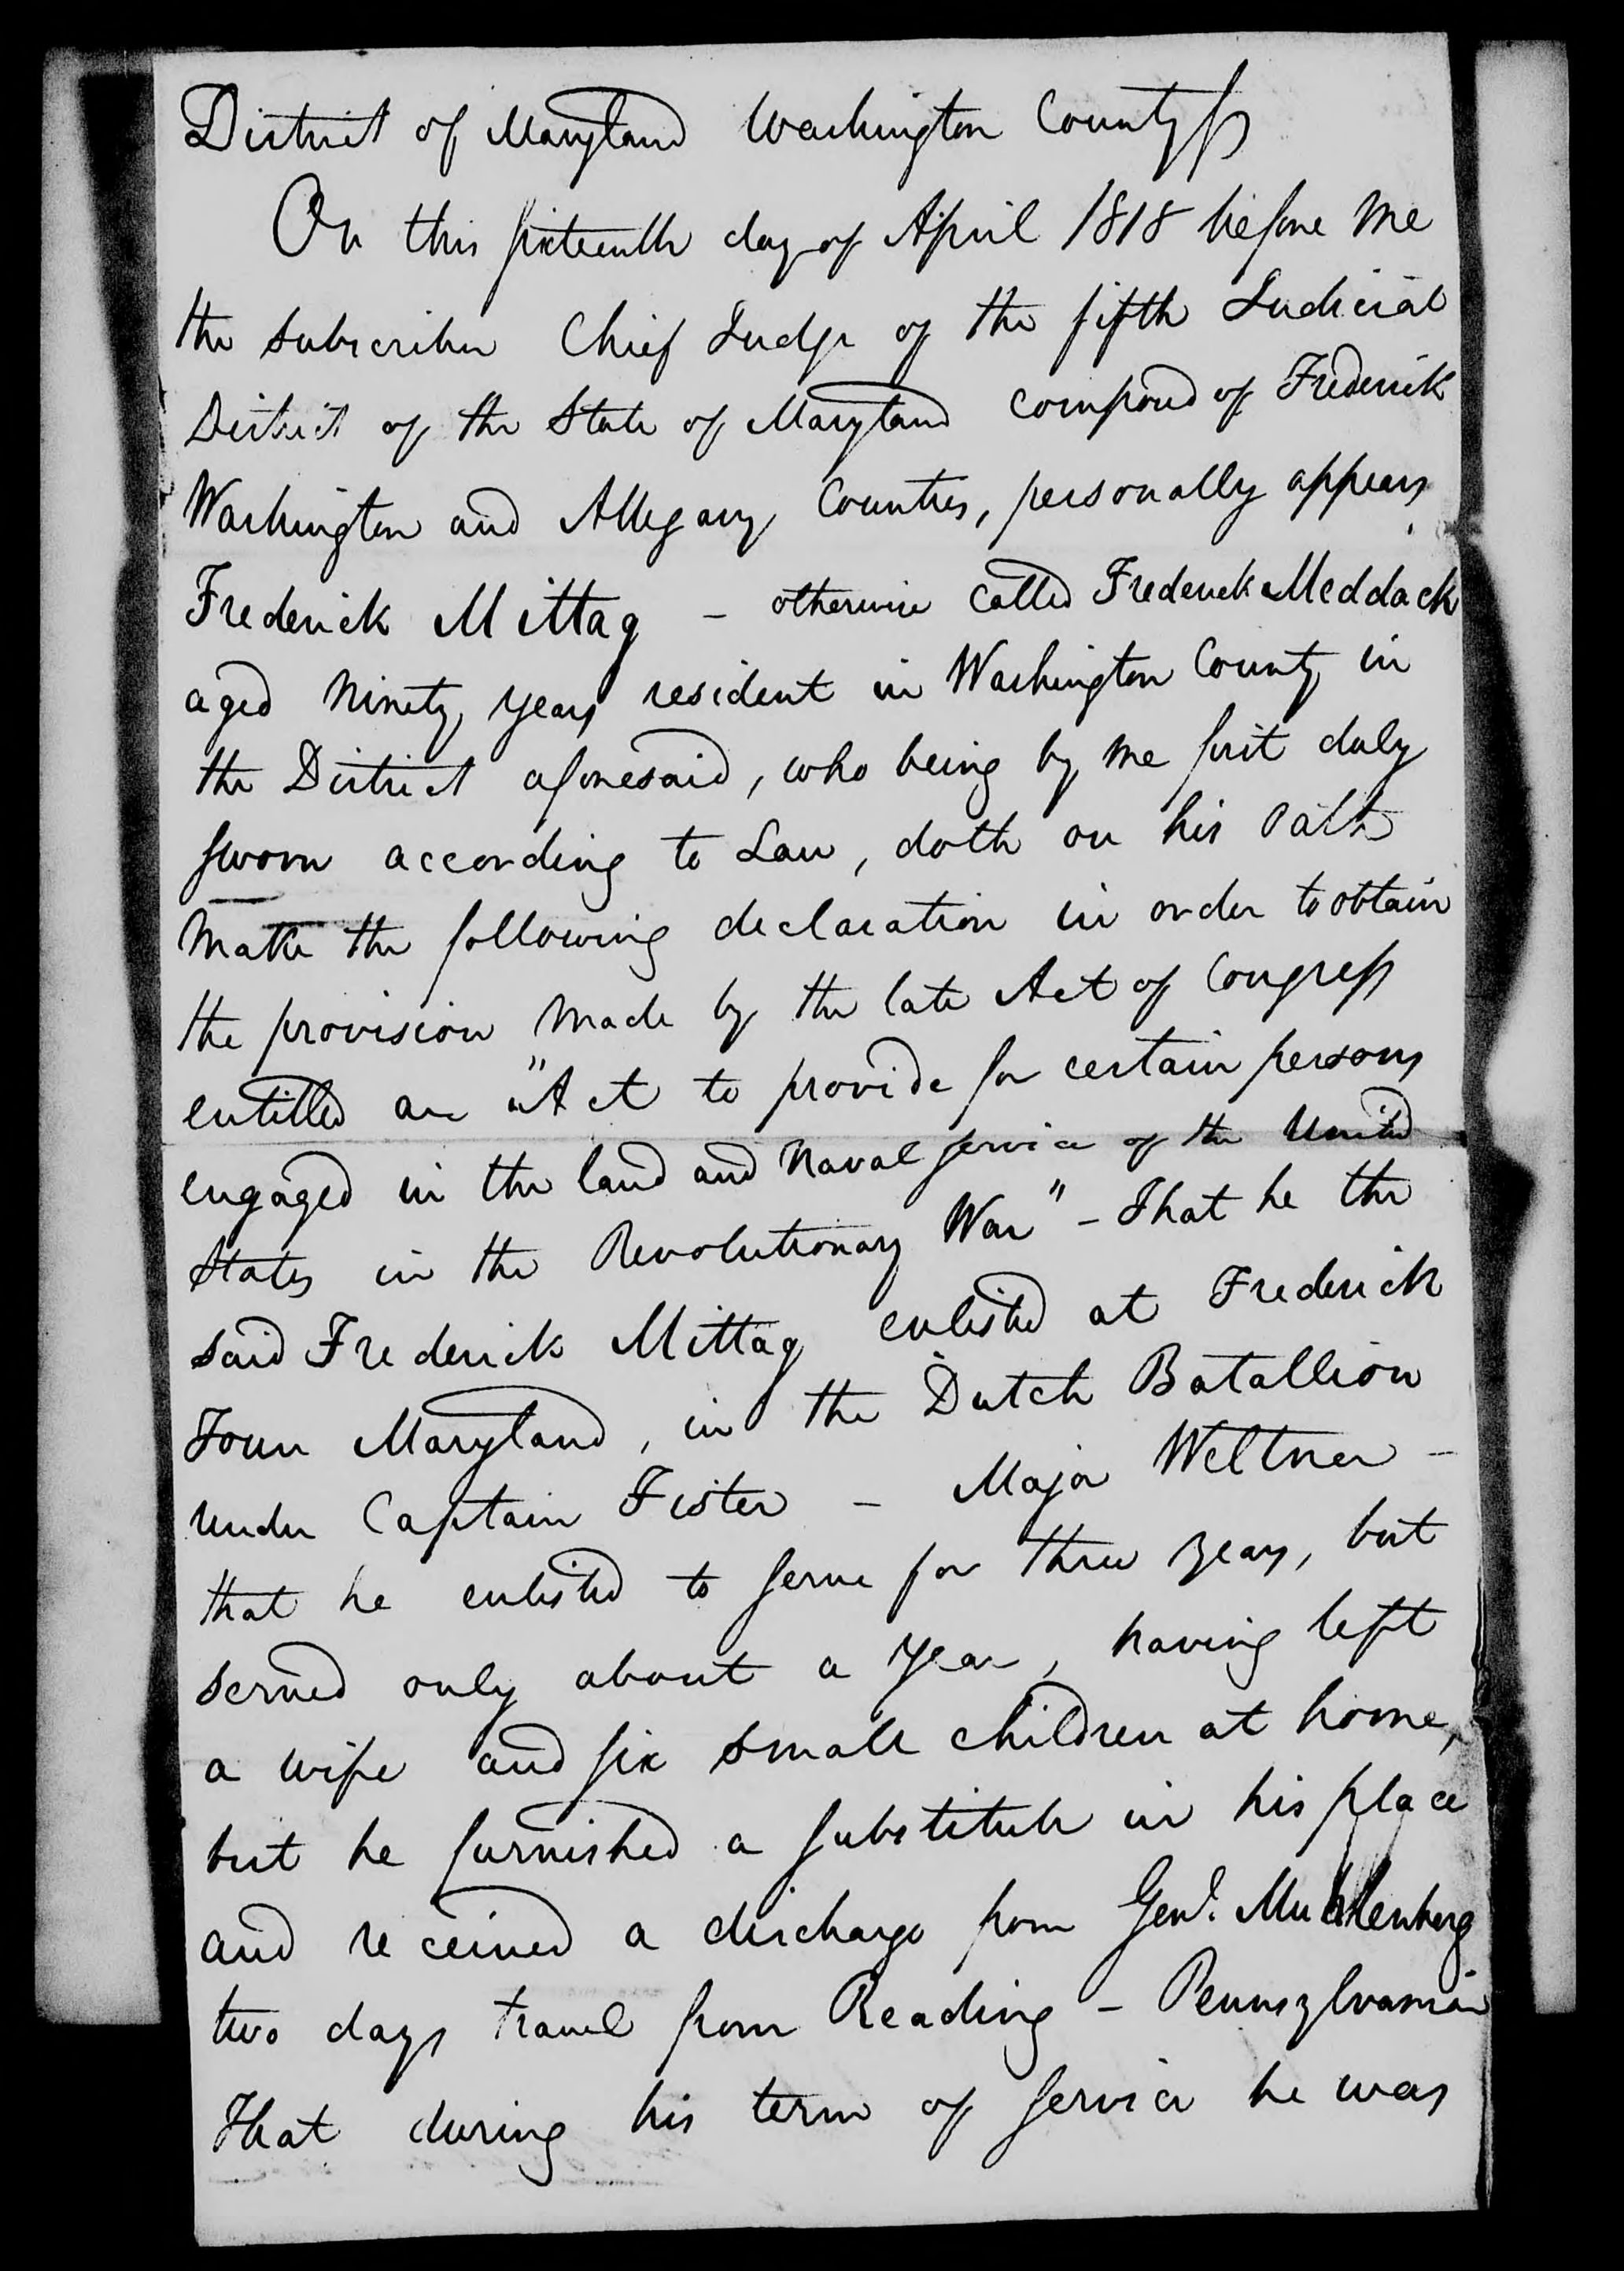District of Maryland Washington County SS

On this sixteenth day of April 1818 before me the subscriber Chief Judge of the fifth Judicial District of the State of Maryland compond of Frederick Washington and Allegany Counties, personally appears Frederick Mittag - otherwise called Frederick Meddack aged ninety years resident in Washington County in the District aforesaid, who being by me first duly sworn according to Law, doth on his oaths make the following declaration in order to obtain the provision made by the late Act of Congress entitled as "Act to provide for certain persons engaged in the land and naval service of the United States in the Revolutionary War" _ That he the Said Frederick Mittag enlisted at Frederick Town Maryland, in the Dutch Batallion under Captain Fister - Major Weltner - that he enlisted to serve for three years, but served only about a year, having left a wife and six small children at home, but he furnished a substitute in his place and received a discharge from Genl. Muhlenberg two days travel from Reading - Pennsylvania That during his term of service he was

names: [BLANK] Muhlenberg; Frederick Mittag; Frederick Washington; [BLANK] Weltner; Frederick Meddack; [BLANK] Fister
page: 4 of 13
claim: survivor's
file: S. 34999, for Frederick Mittag, Maryland